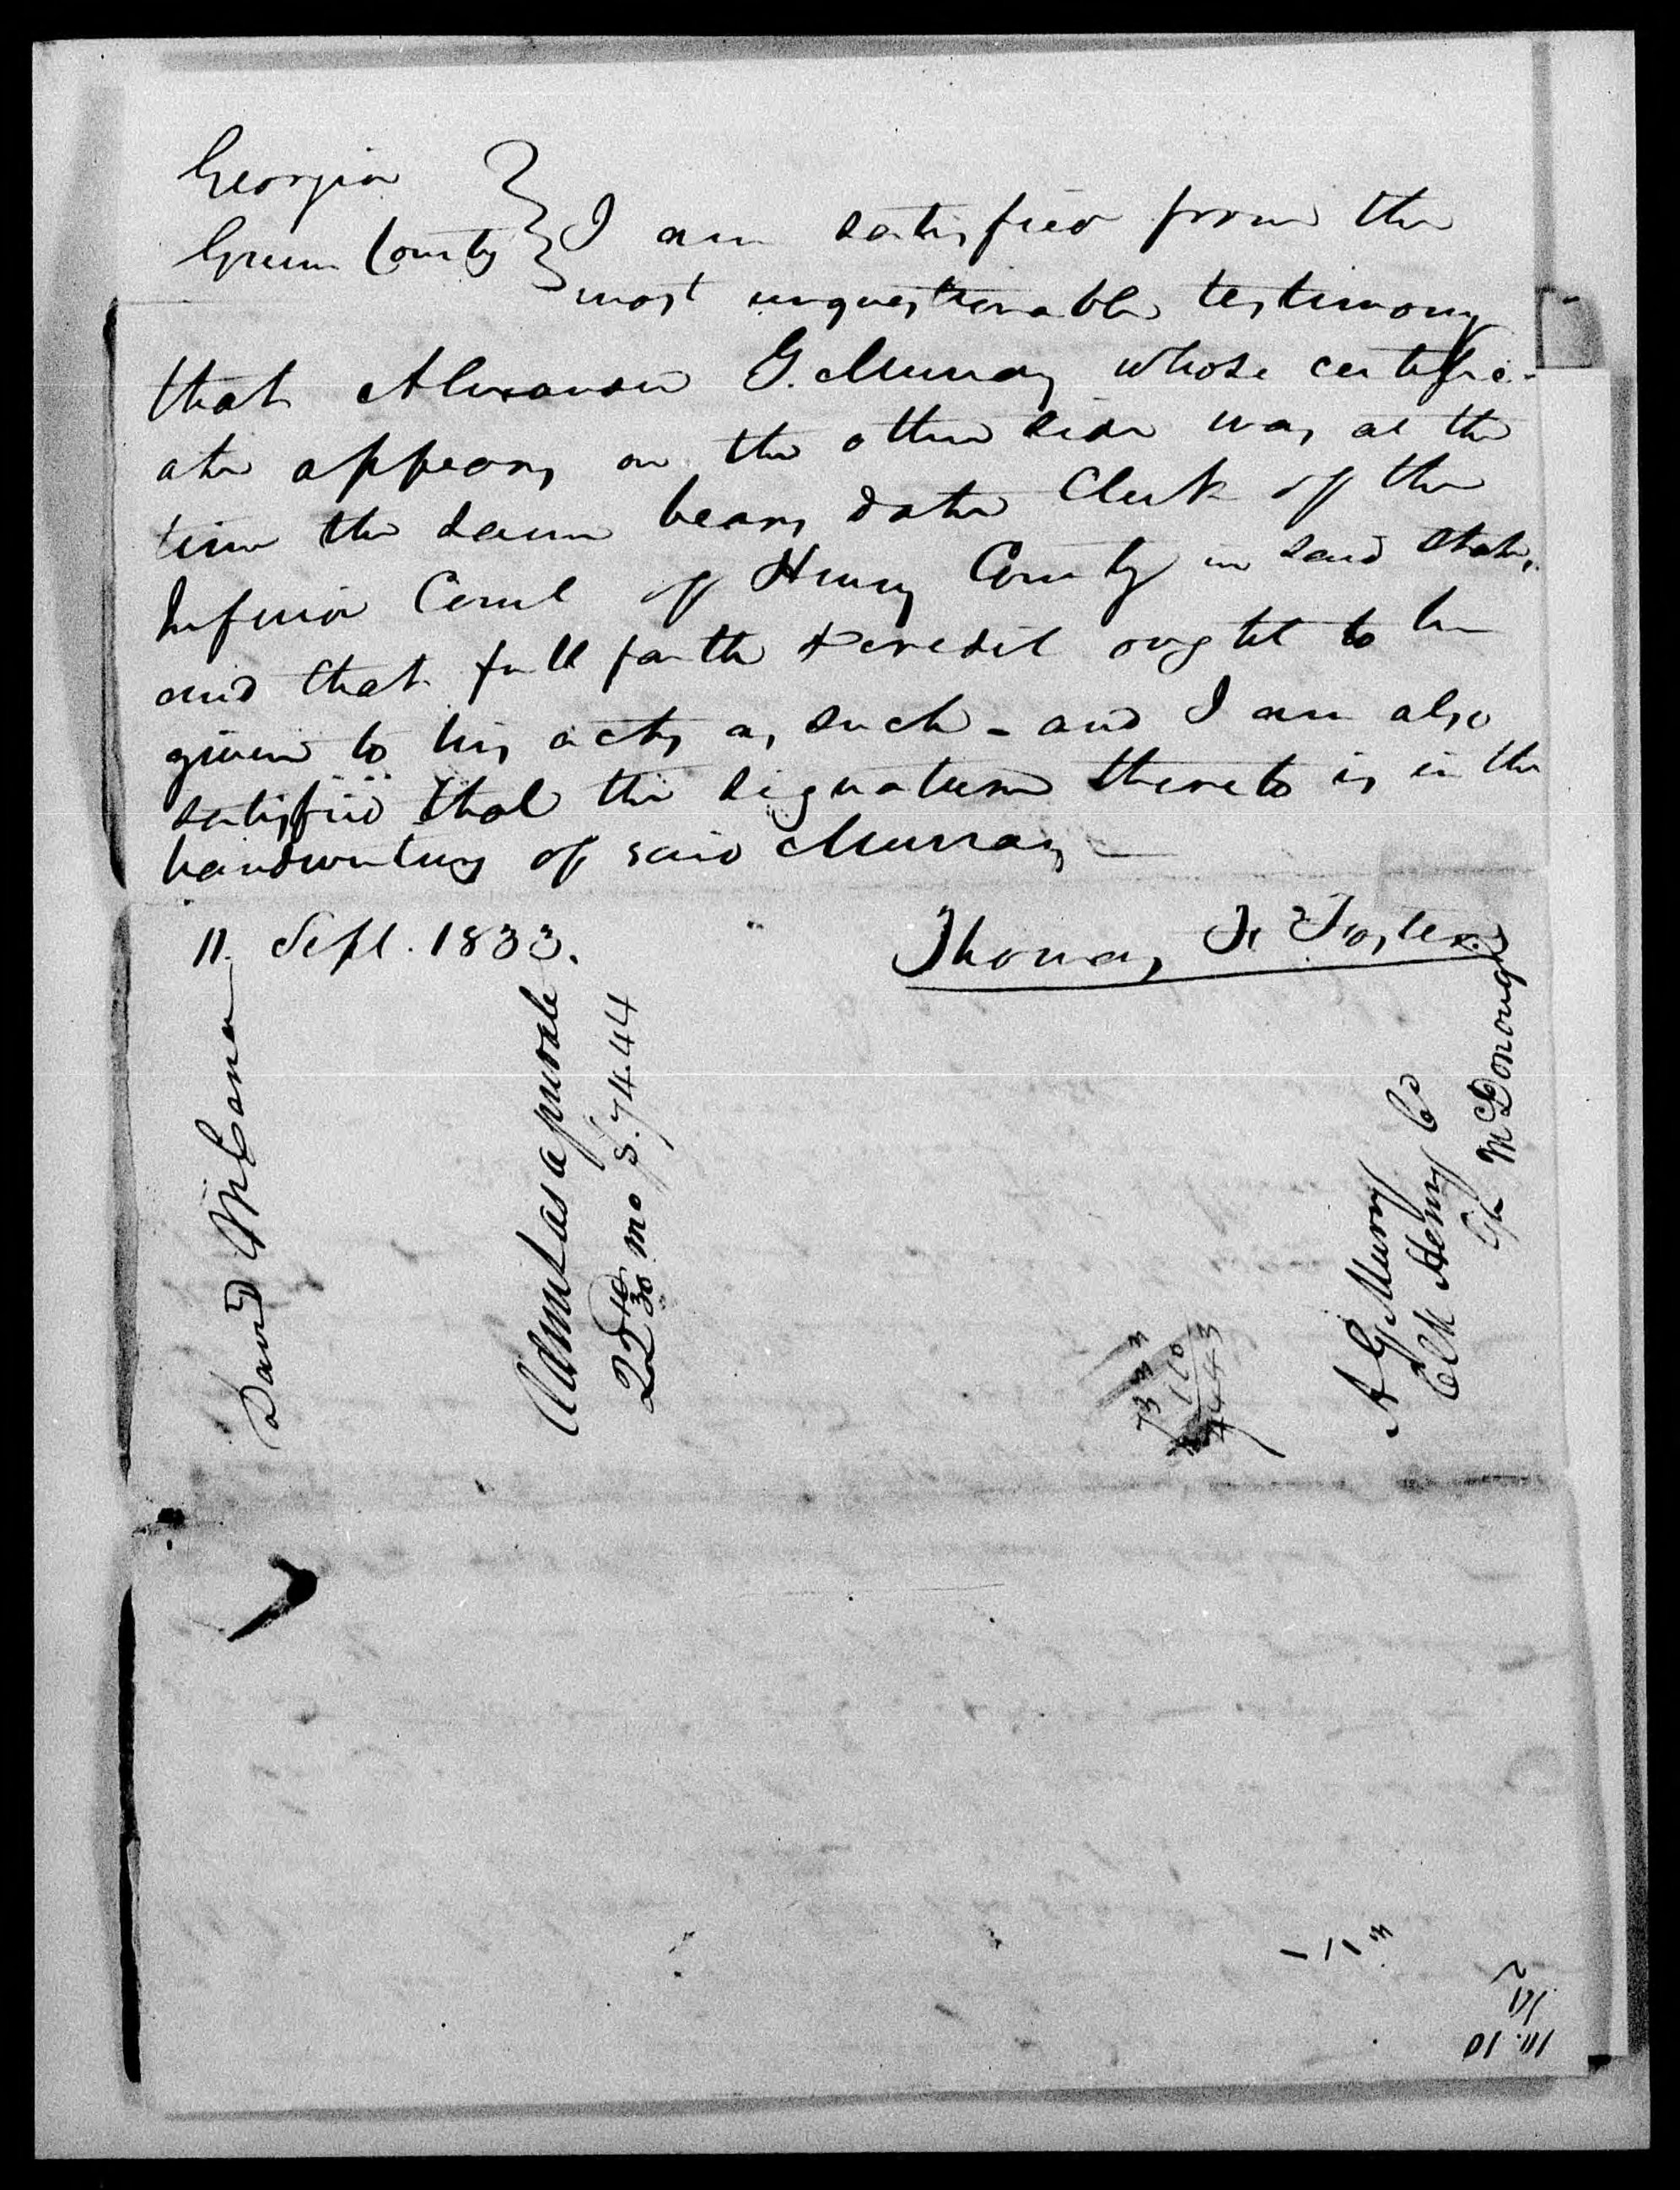Georgia
Green County 
I am satisfied from the
most unquestionable, testimony
that Alexander G. Murray whose certificate
appears on the other side was at the
time the [illegible] bears[?] oath Clerk of the
Inferior Court of Henry County in said State
and that full faith & credit ought to be
given to his acts as such, and I am also
satisfied that the signature thereto is in the
handwriting of said Murray - 
11. Sept. 1833.
Thomas F Foster
[below was written sideways]
David MCance
Admit as a private
22 10/30 mo $ 74.44
7333
110
_________
7443
A G Murray
Clk Henry Co
[illegible]  McDonough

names: David Mc Cance; Thomas F Foster; Alexander G Murray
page: 10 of 13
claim: survivor's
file: S. 16464, for David Mc Cance, South Carolina